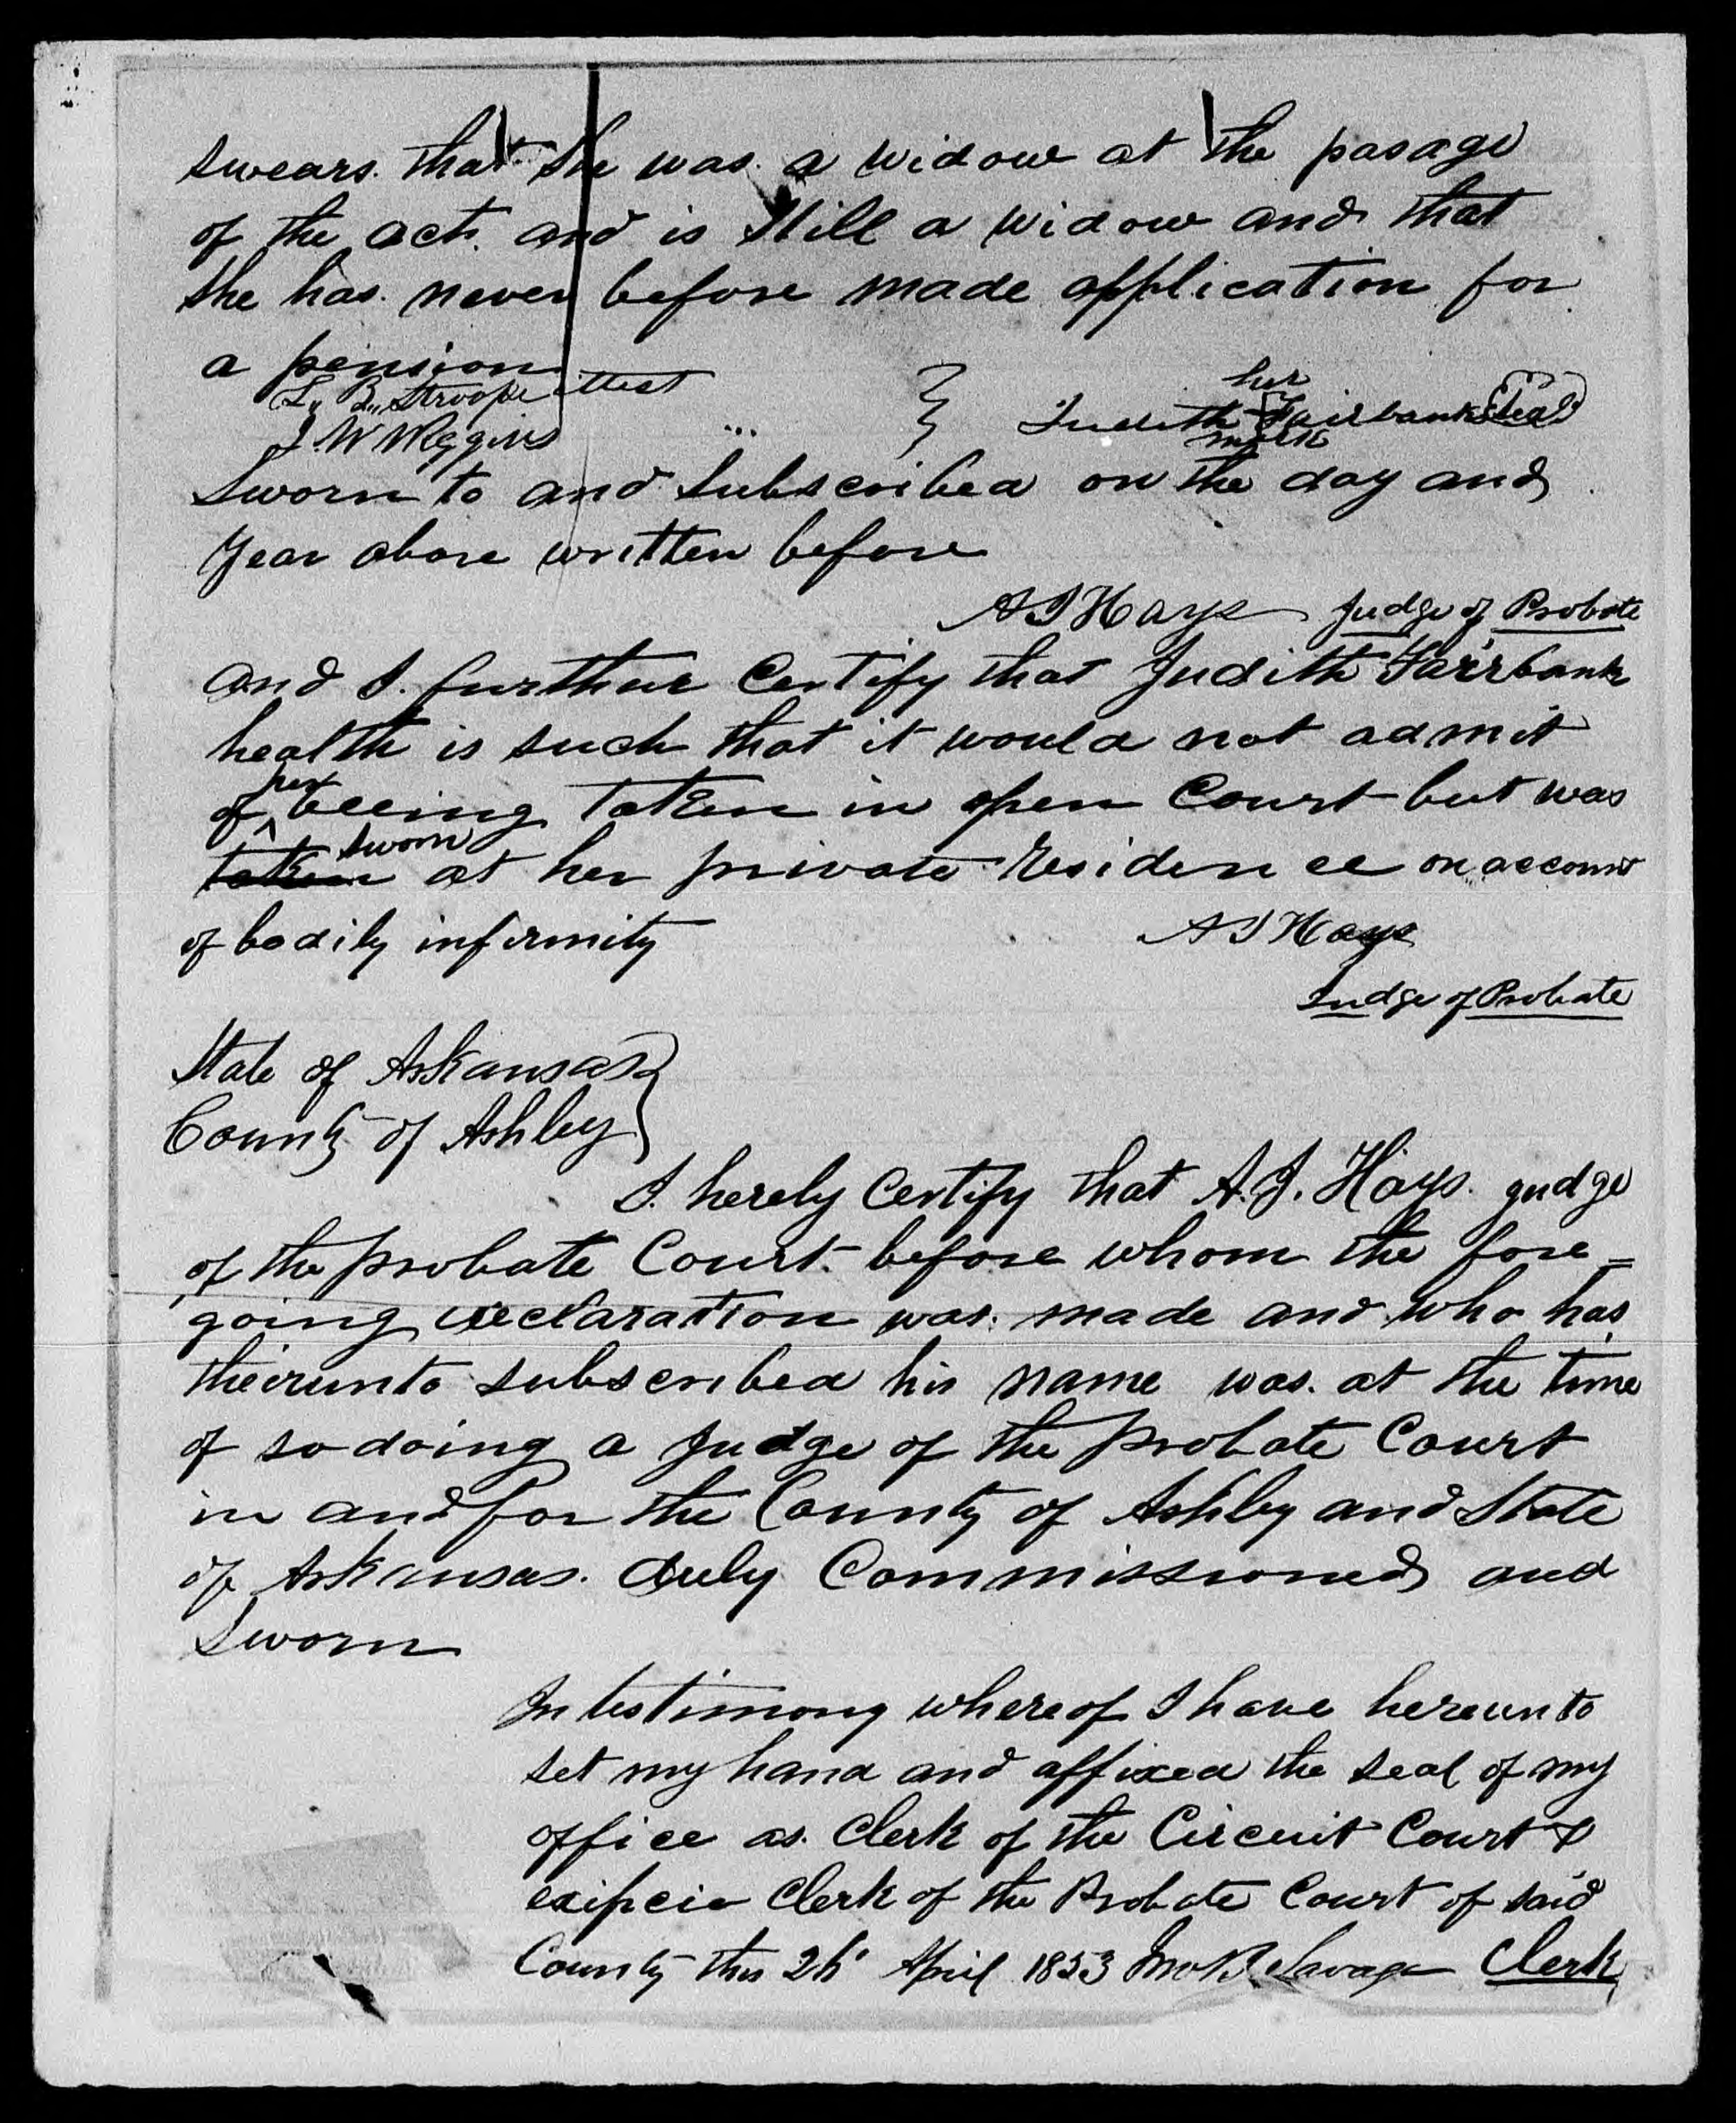swears that she was a widow at the pasage of the act and is still a widow and that she has never before made application for a pension.
L.B. Stroope attest
J.W. Wiggins
her Judith Fairbanks mark seal
Sworn to and subscribed on the day and year above written before
AJ Hays Judge of Probate
and I further certify that Judith Fairbanks health is such that it would not admit of her beeing taken in open court but was sworn at her private residence on account of bodily infirmity
AJ Hays
Judge of Probate
State of Arkansas
County of Ashley
I hereby certify that A.J. Hays judge of the probate court before whom the foregoing declaration was made and who has thereunto subscribed his name was at the time of so doing a Judge of the Probate Court in and for the County of Ashley and State of Arkansas duly commissioned and sworn
In testimony whereof I have hereunto set my hand and affixed the seal of my office as Clerk of the Circuit Court & assessors Clerk of the Probate Court of said county this 21st April 1823 Jno B Savage Clerk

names: A J Hays, J W Wiggins, A J Hays, Judith Fairbank, A J Hays, Judith Fairbanks, Jno B Savage, L B Stroope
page: 3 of 17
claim: rejected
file: R. 3423, William Fairbanks, R.I.